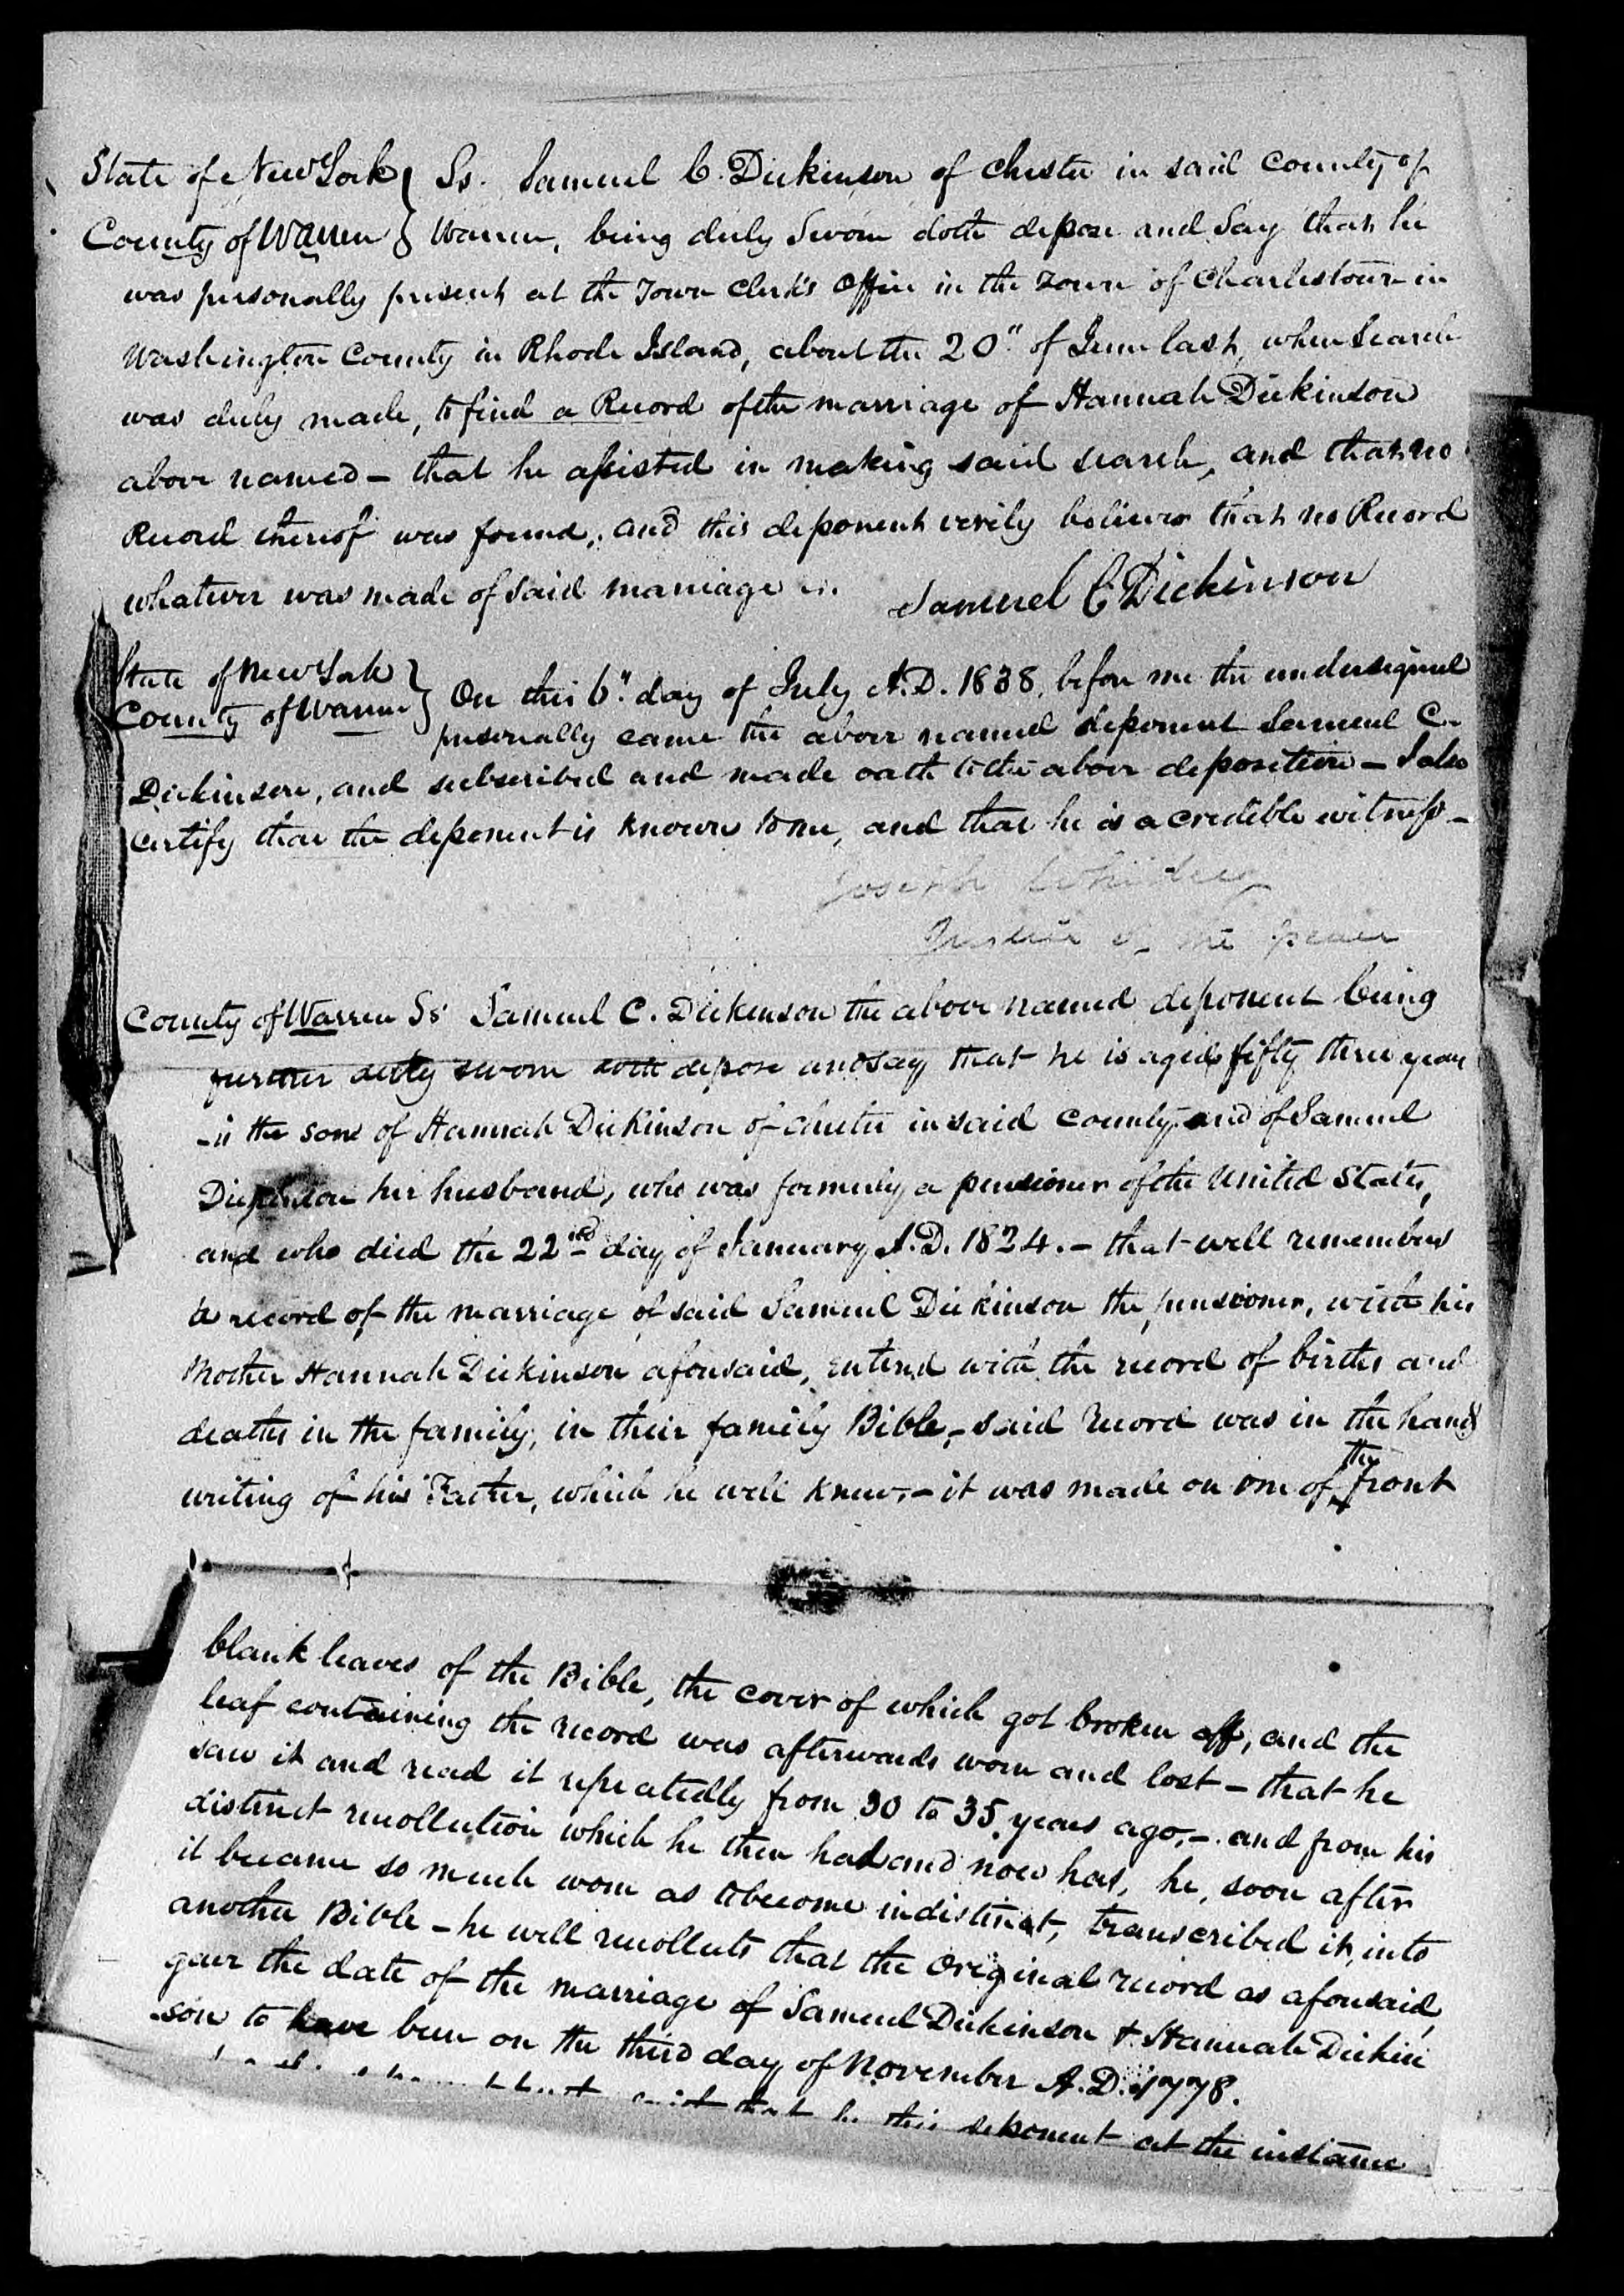State of New York
County of Warren Ss.

Samuel C. Dickinson of Chester in said County of Warren being duly sworn doth depose and say that he personally present at the Town Clerk's Office in the Town of Charlestown in Washington County in Rhode Island, about the 20 of June last, when search was duly made, to find a Record of the marriage of Hannah Dickinson above named- that he assisted in making said search, and that no record thereof was found, and this deponent verily believes that no record whatever was made of said marriage.
Samuel C Dickinson

State of New York 
County of Warren

On this 6th day of July A.D. 1838, before me the undersigned personally came the above named deponent Samuel C. Dickinson, and subscribed and made oath to the above deposition. I also certify that the deponent is known to me, and that he is a credible witness
Joseph Whitley
Justice of the peace

County of Warren Ss.

Samuel C. Dickinson the above named deponent being further duly sworn doth depose and say that he is aged fifty three years and is the son of Hannah Dickinson of Chester in said County and of Samuel Dickinson her husband, who was formerly a pensioner of the United States, and who died the 22nd day of January A.D. 1824- that well remembers a record of the marriage of said Samuel Dickinson the pensioner, with his Mother Hannah Dickinson aforesaid, entered with the record of births and deaths in the family, in their family Bible- said record was in the hand writing of his father, which he well knew-- it was made on one of front blank leaves of the Bible, the cover of which got broken off, and the leaf containing the record was afterwards worn and lost - that he saw it and read it repeatedly from 30 to 35 years ago, and from his distinct recollection which he then had and now has, he, soon after it became so much worn as to become indistinct, transcribed it into another Bible, he well recollects that the original record as aforesaid gave the date of the marriage of Samuel Dickinson & Hannah Dickinson to have been on the third day of November A.D. 1778 [additional writing has been cut off from this page]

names: Samuel Dickinson, Joseph Whitley, Samuel Dickinson, Samuel C Dickinson, Hannah Dickinson, Hannah Dickinson, Samuel Dickinson, Samuel C Dickenson, Samuel C Dickinson, Hannah Dickinson, Hannah Dickinson, Samuel C Dickinson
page: 55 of 60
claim: widow's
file: W 16,955, Samuel Dickinson, Conn.